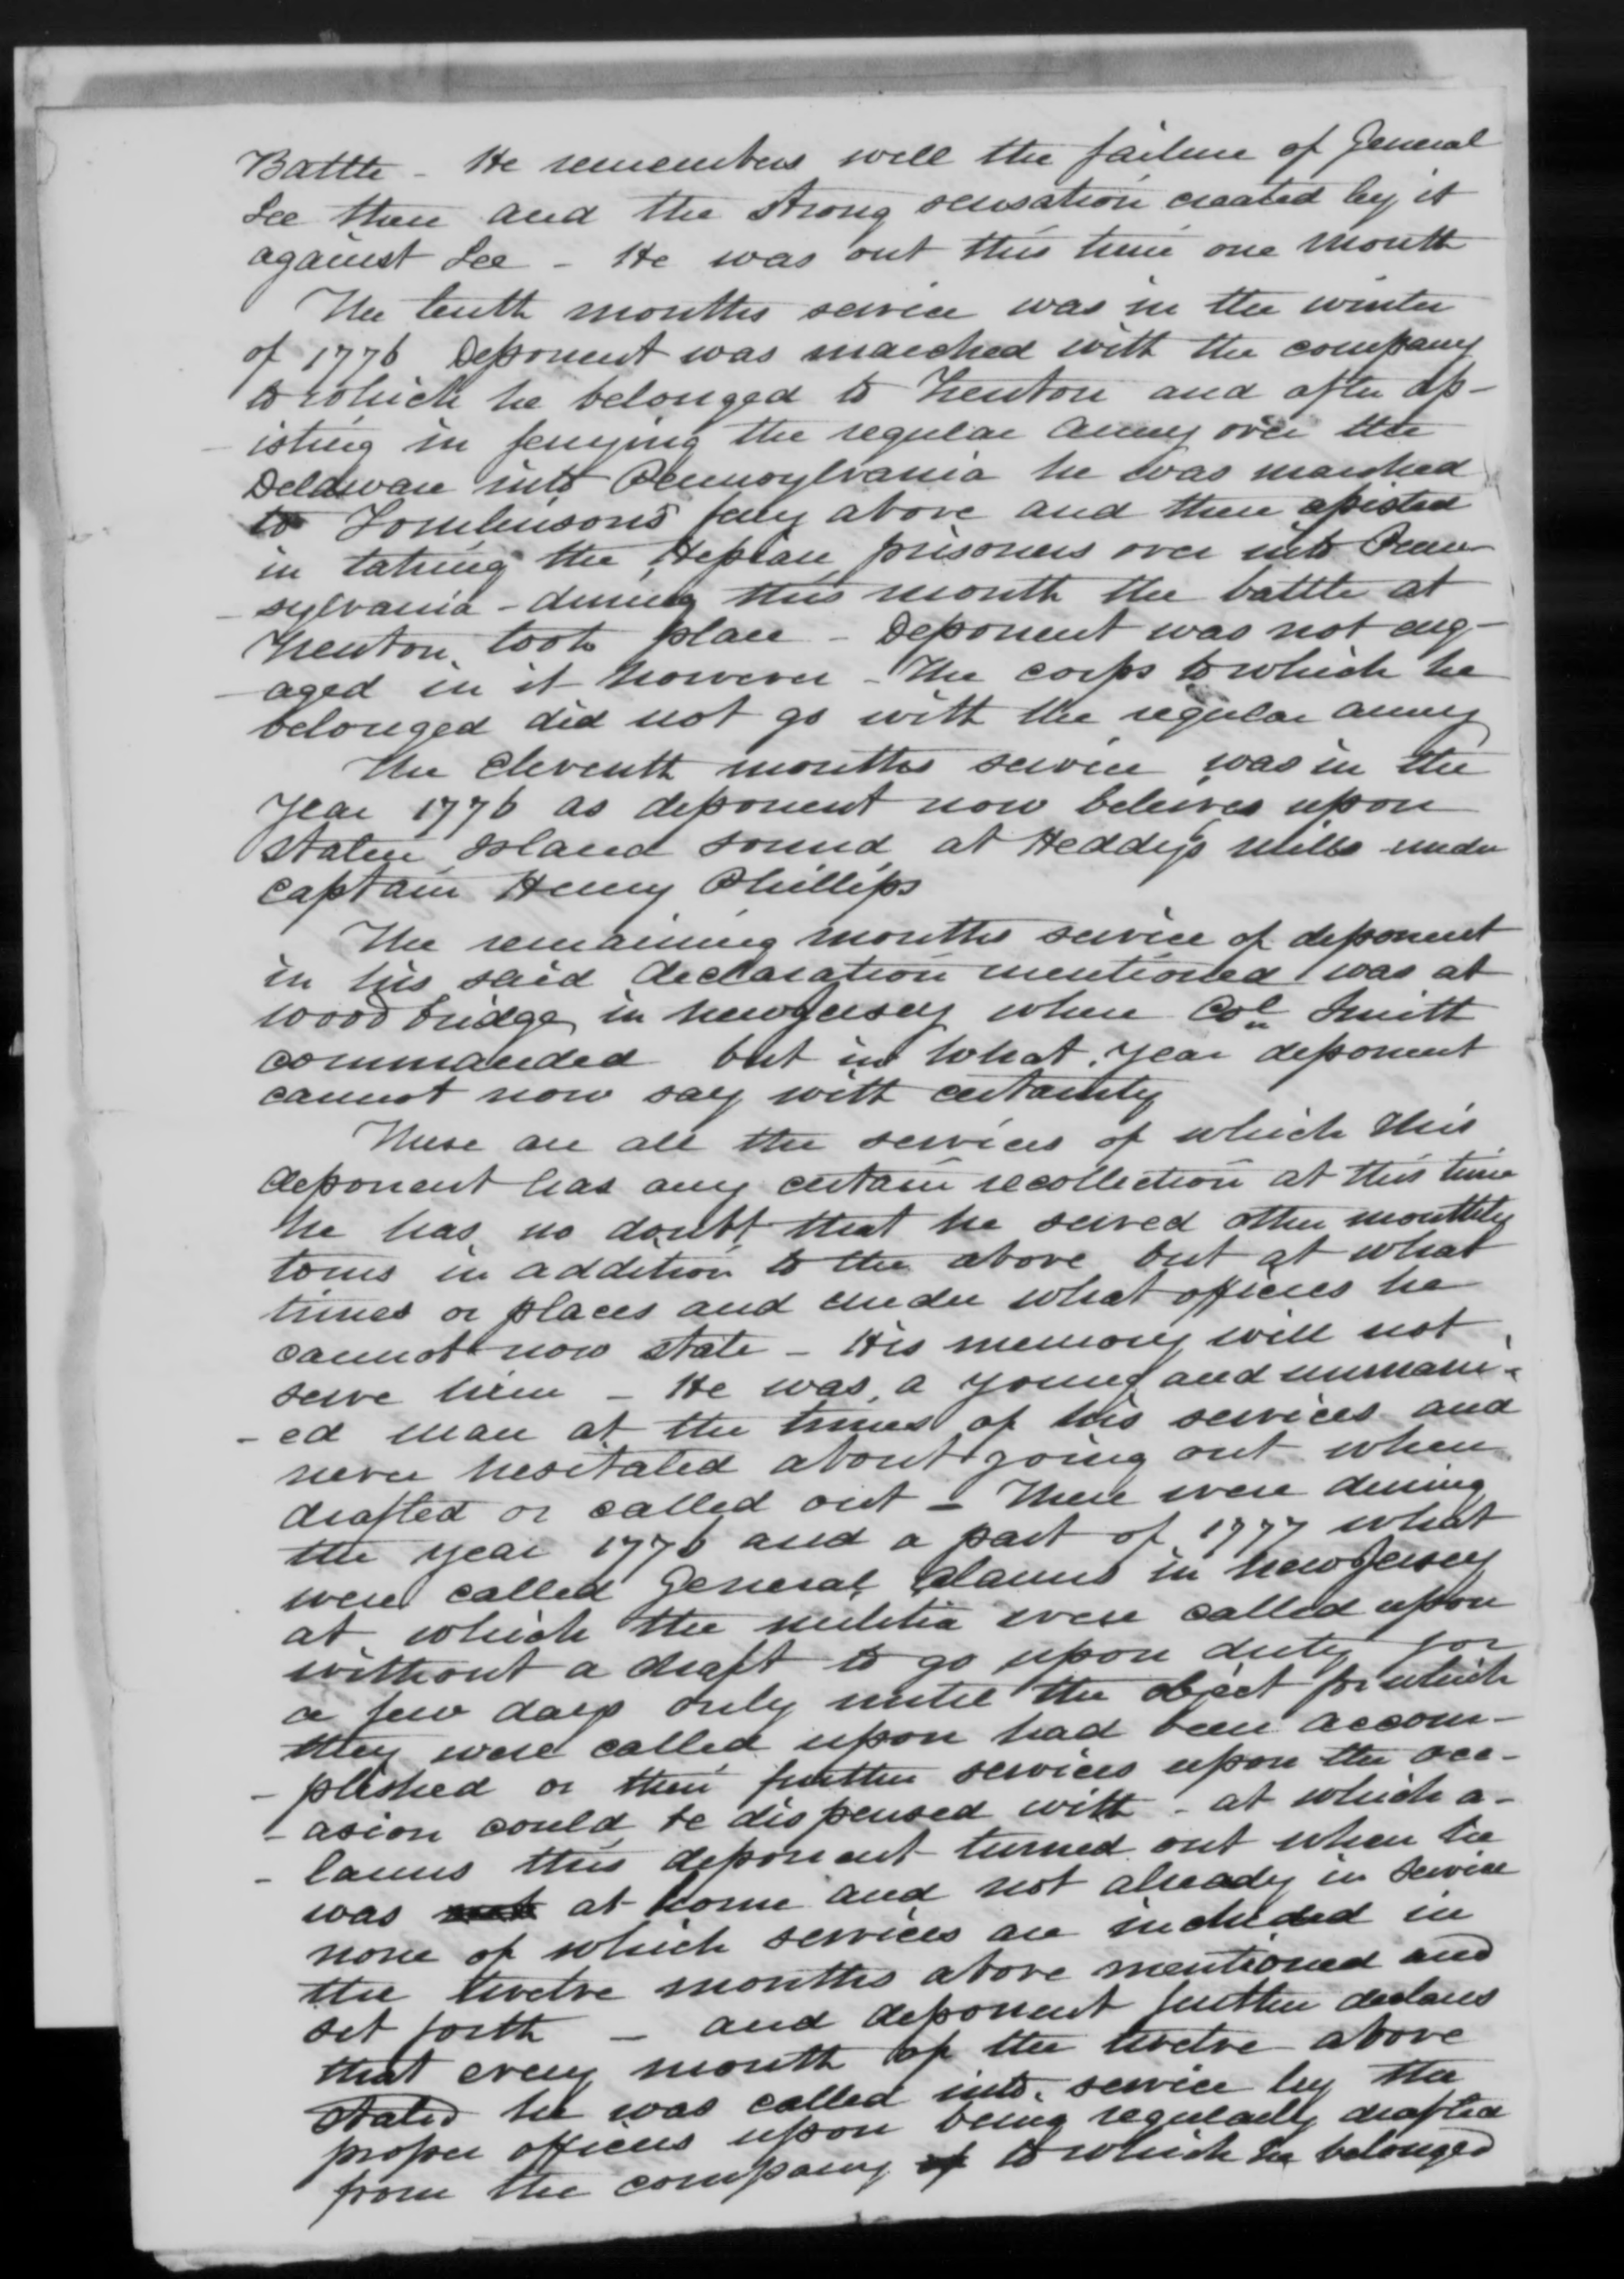...battle. He remembers well the failure of General Lee there and the strong sensation created by it against Lee. He was out this time one month.

The tenth month's service was in the winter of 1776. Deponent was marched with the company to which he belonged to Trenton, and after assisting in ferrying the Regular Army over the Delaware [River] into Pennsylvania, he was marched
to Tomlinson's Ferry above and there assisted in taking the Hessian prisoners over into Pennsylvania. During this month, the battle at Trenton took place. Deponent was not engaged in it, however. The corps to which he belonged did not go with the Regular Army.

The eleventh month's service was in the year 1776, as deponent now believes, upon Staten Island Sound at Heddy's Mills, under Captain Henry Phillips.

The remaining month's service of deponent in his said declaration mentioned was at Woodbridge in New Jersey, where Col. Smith commanded, but in what year deponent cannot now say with certainty. 

These are all the services of which this deponent has any certain recollection at this time. He has no doubt that he served other monthly tours in addition to the above, but at what times or places and under what officers, he cannot now state. His memory will not serve him. He was a young and unassumed man at the times of his services and never hesitated about going out when drafted or called out. These were during the year 1776 and a part of 1777, what were called General Alarms in New Jersey at which the militia were called upon, without a draft, to go upon duty for a few days only until the object for which they were called upon had been accomplished or their further services upon the occasion could be dispensed with, at which alarms this deponent turned out when he was [crossed out: not] at home and not already in service. None of which services are included in the twelve months above mentioned and set forth. And deponent further declares that every month of the twelve above stated, he was called into service by the proper officers upon being regularly drafted from the company [crossed out: of] to which he belonged...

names: Henry Phillips, Smith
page: 54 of 67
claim: widow's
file: W. 2393, Jacob Williamson, New Jersey